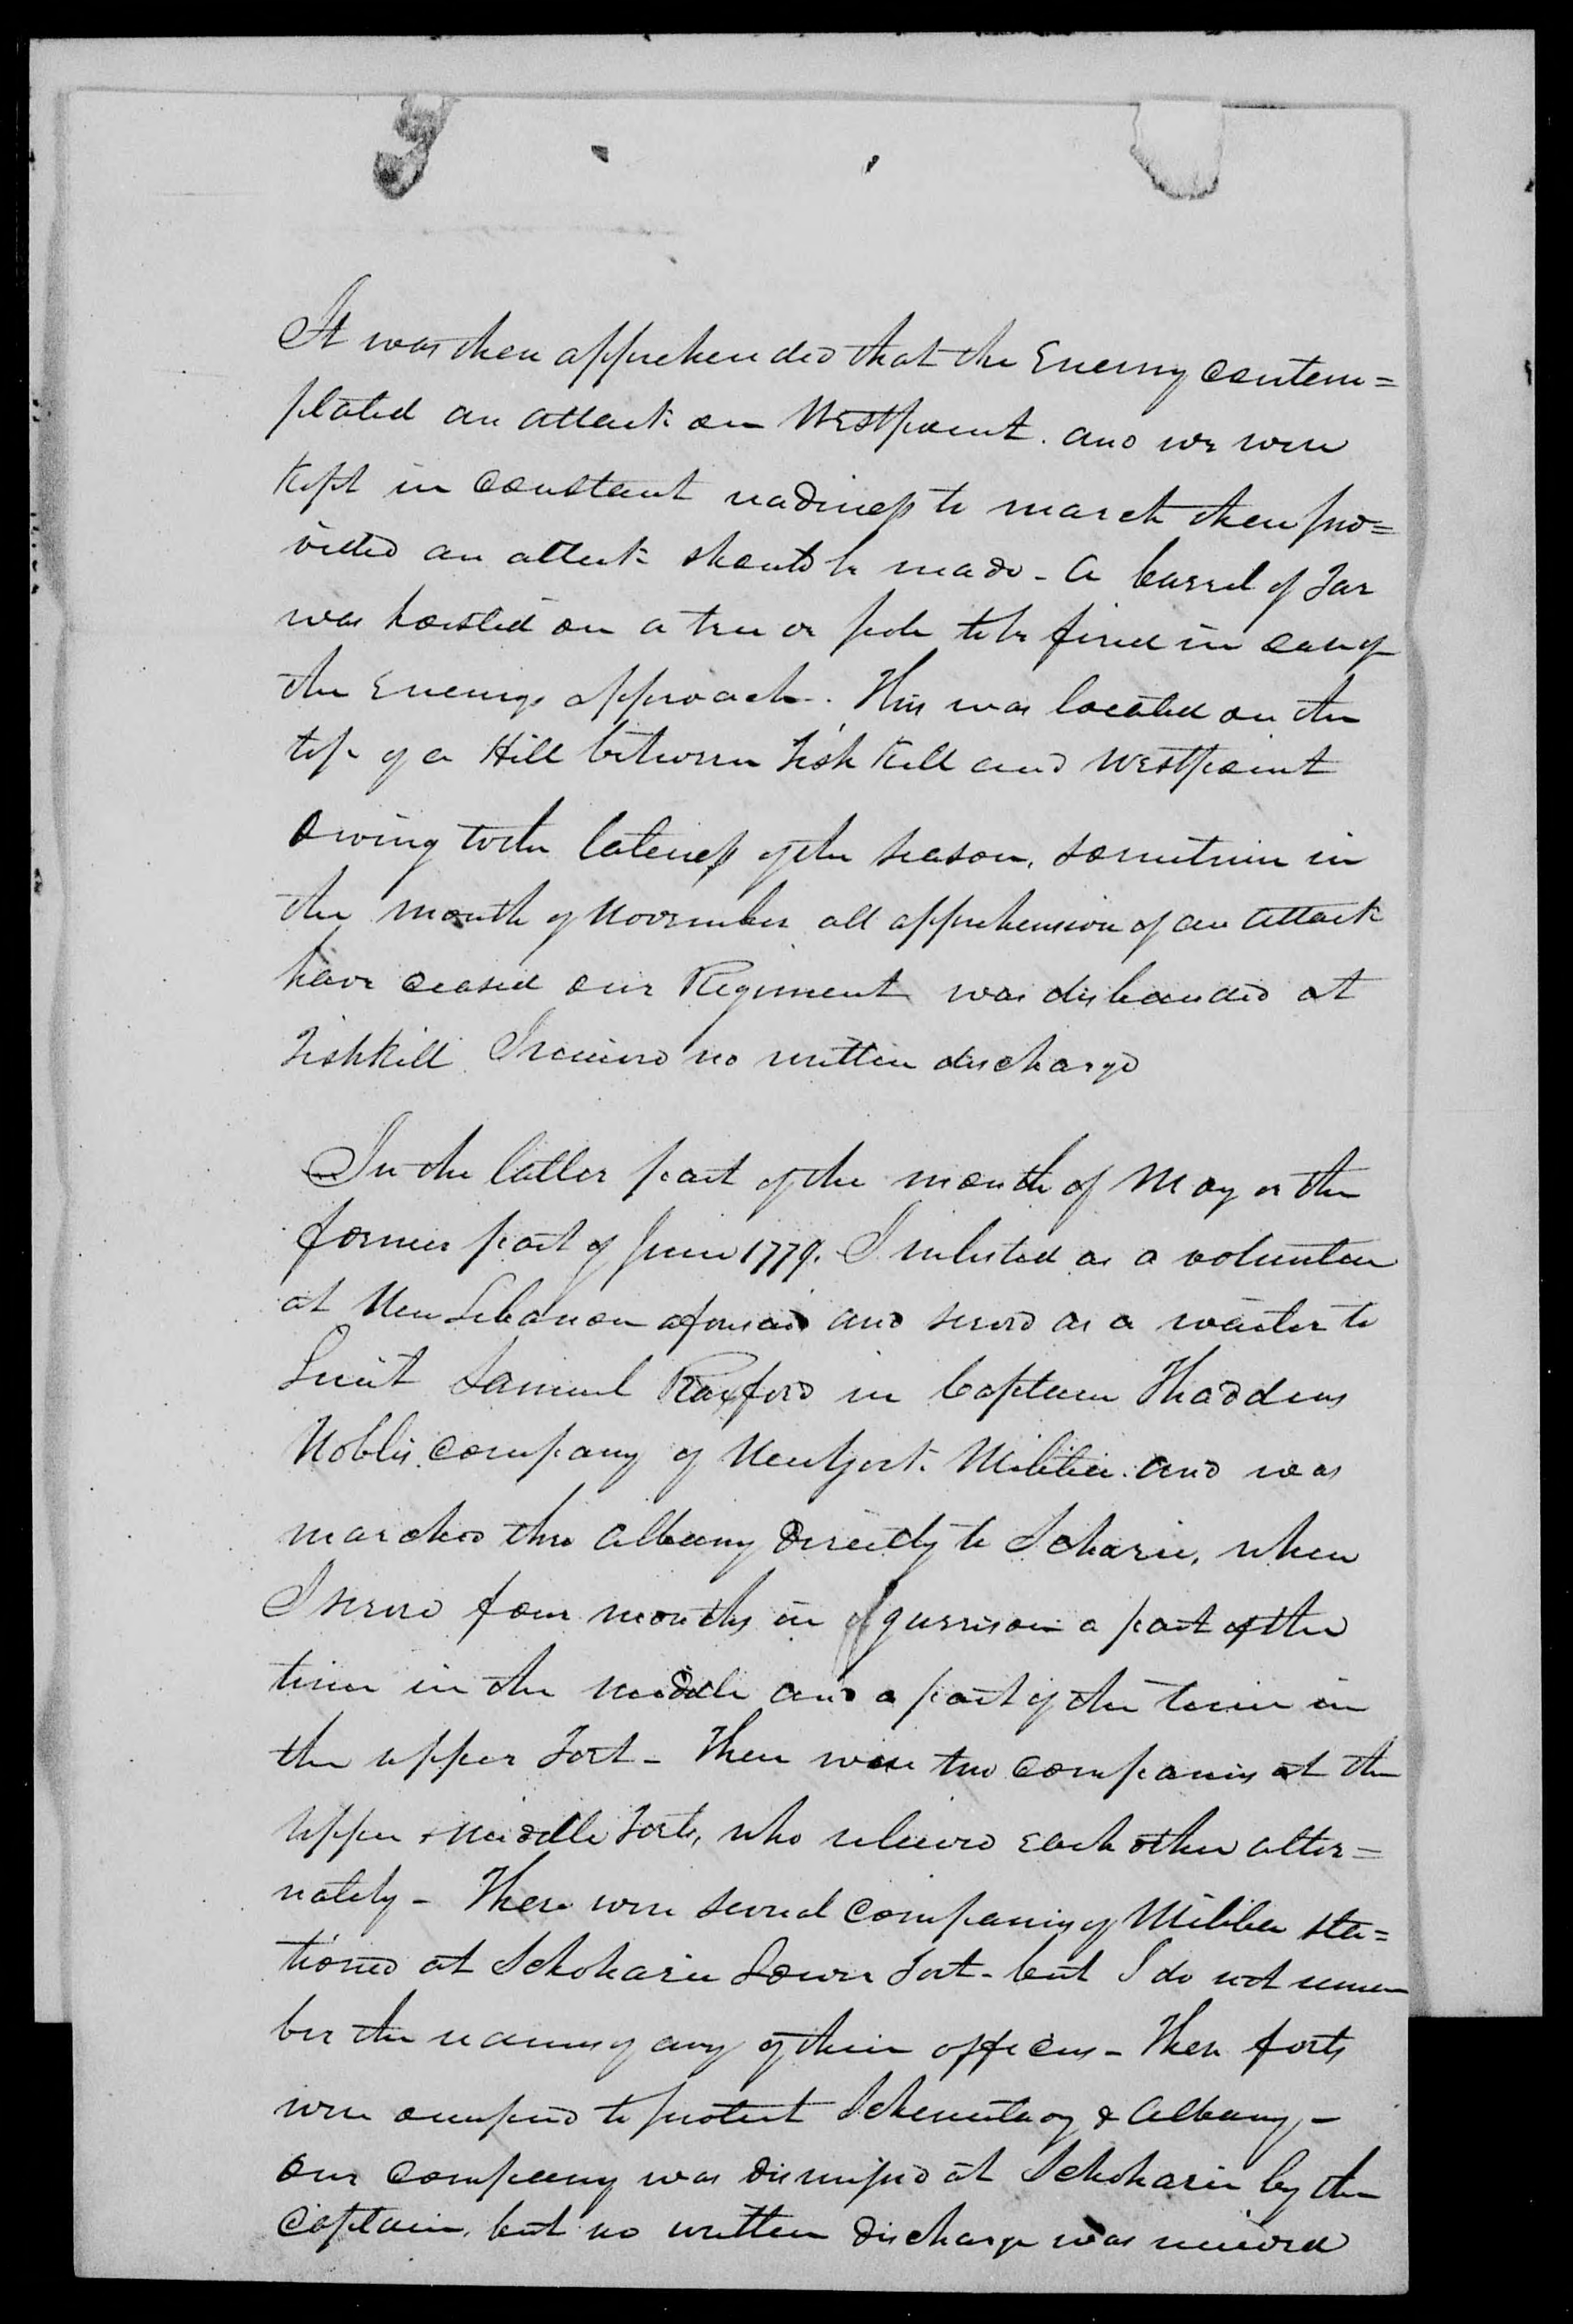It was then apprehended that the enemy contemplated an attack on West Point, and we were kept in constant readiness to march there, provided an attack should be made.  A  barrel of Tar was hoisted on a tree or pole to be fired in case of the enemy's approach. This was located on the top of a Hill between Fishkill and West Point.
Owing to the lateness of the season, sometime in the month of November all apprehension of an attack having ceased, our Regiment was disbanded at Fishkill.  I received no written discharge.
In the latter part of the month of May or the
former part of June 1779, I enlisted as a volunteer at New Lebanon aforesaid and served as a waiter to Lieut. Samuel Rexford in Captain Thaddeus Noble's Company of New York Militia and was marched thru Albany directly to Schoharie, where I served four months in a garrison, a part of the time in the middle and a part of the time in the upper Fort. There were two companies at the
upper & Middle Forts, who relieved each other alternately. There were several companies of Militia stationed at Schoharie Lower Fort, but I do not remember the names any of their officers. These Forts were occupied to protect Schenectady & Albany.  Our company was dismissed at Schoharie by the Captain, but no written discharge was received.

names: Samuel Raxford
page: 7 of 23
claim: survivor's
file: S. 14,229, for Robert Pratt, New York